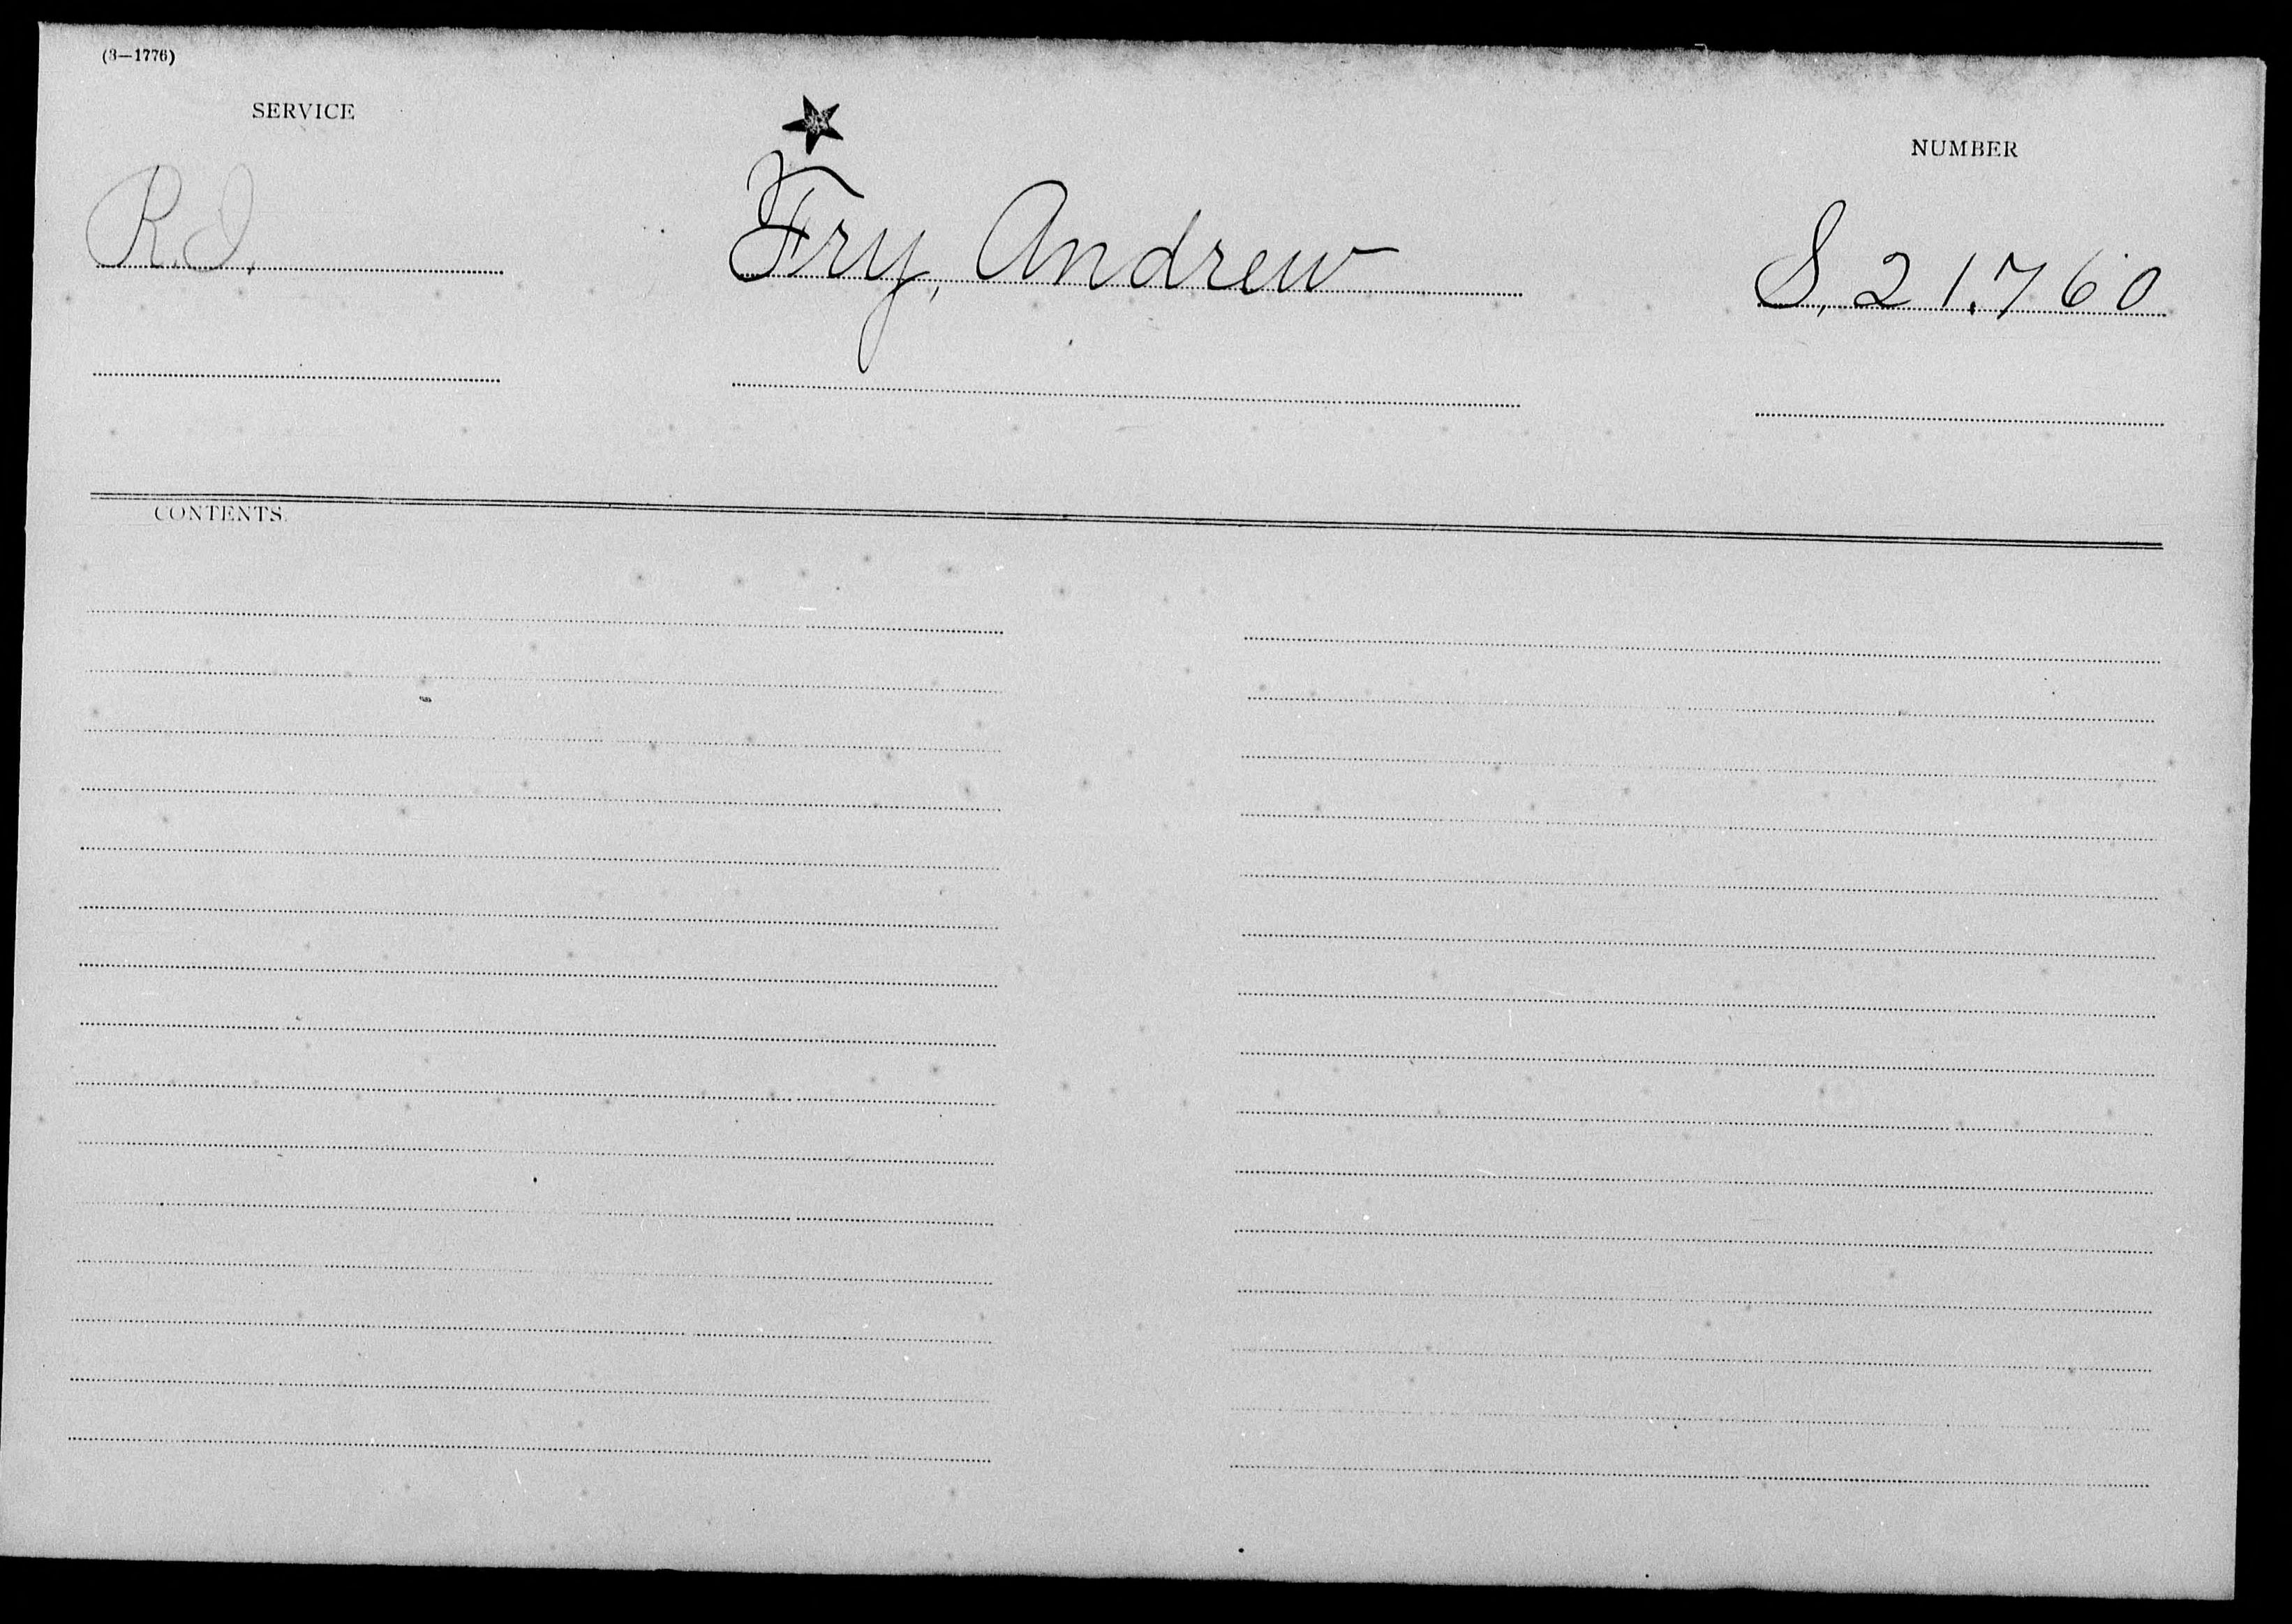SERVICE
R.I.
Fry, Andrew
NUMBER
S. 21.760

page: 1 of 9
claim: survivor's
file: S. 21,760, Andrew Fry, R.I.